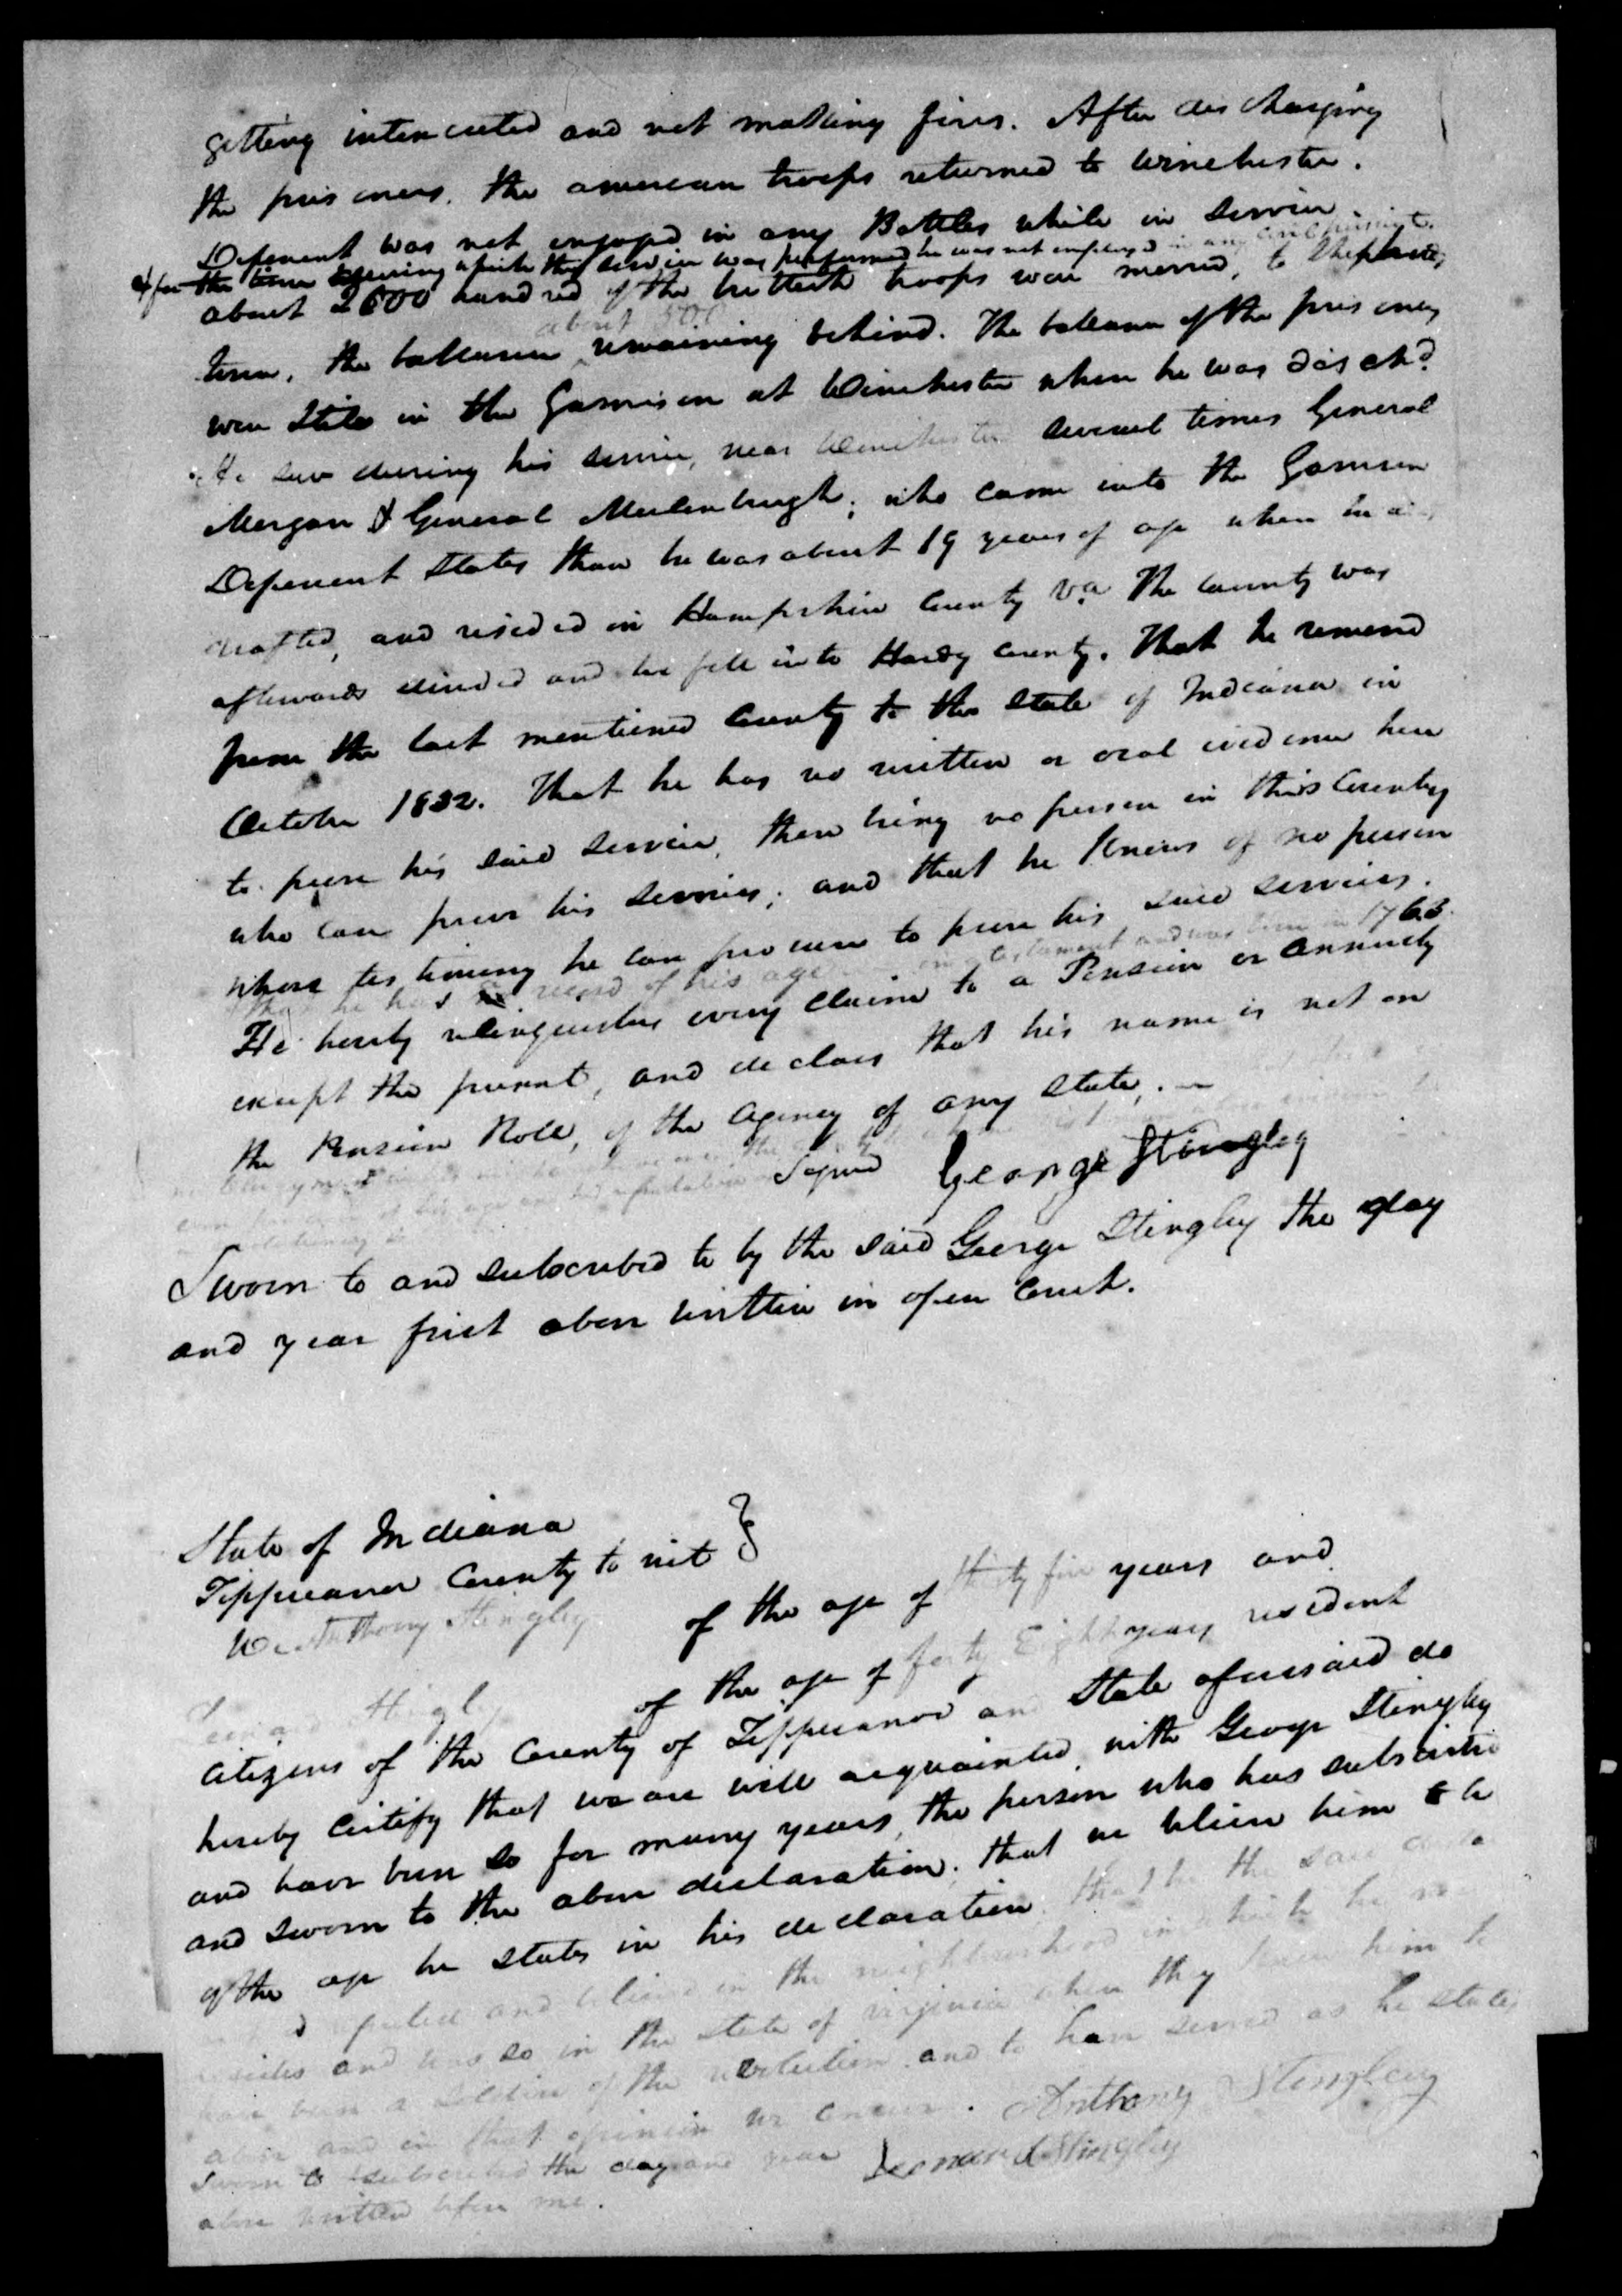getting [illegible] and not making [illegible]. After discharging
the prisoners. the american troops returned to winchester.
Deponent was not engaged in any Battles which in Service + for the time [illegible] which the service was performed he was not employed in any civil [illegible]
about 2600 hundred of the [illegible] troops were moved, to Shepherd;
town, the [illegible] about 500 remaining behind. The balance of the prisoners
were [illegible] in the Garrison at Winchester when he was disch.d
He saw during his service, near Winchester several times General
Morgan + General [illegible]; who came into the Garrison
Deponent states than he was about 19 years of age when he was 
drafted, and resided in Humphries County V.a The county was
afterwards divided and he fell into Hardy County. That he removed
from the last mentioned County to the state of Indiana in
October 1832. That he has no written or oral [illegible] here
to prove is said service; and that he knows of no person
where testimony he can procure to prove his said services.
That he had a record of his age in testament and was born in 1763
He hereby relinquishes every claim to a Pension or annuity
except the present, and declares that his name is not on
the Pension Role, of the Agency of any State. [illegible]
[illegible - faded/lightly written in very small print, as an afterthought, correction, or amendment]

Signed
George Stingley

Sworn to and subscribed to by the said George Stingley the day
and year first above written in open court.

State of Indiana
Tippecanoe [?] County to wit}
W Anthony Stingley of the age of thirty five years
Leonard Stingley of the age of forty Eight years and
citizens of the County of Tippecanoe and State aforesaid do 
hereby certify that we are well acquainted with George Stingley
and have been so for many years, the person who has subscribed
and sworn to the above declaration that we believe him to be
of the age he states in his declaration. [illegible - faded/ lightly written in very small print] that he the [illegible]
[illegible] reported and believed in the neighborhood in which he [illegible]
resides and has so in the State of Virginia when they knew him to
have been a soldier of the revolution and to have served as he states
above and in that opinion [illegible] concur. 
Sworn to subscribed the day and year
above written before me. 

Anthony Stingley
Leonard Stingley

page: 5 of 12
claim: survivor's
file: S. 32543, for George Stingley, Virginia